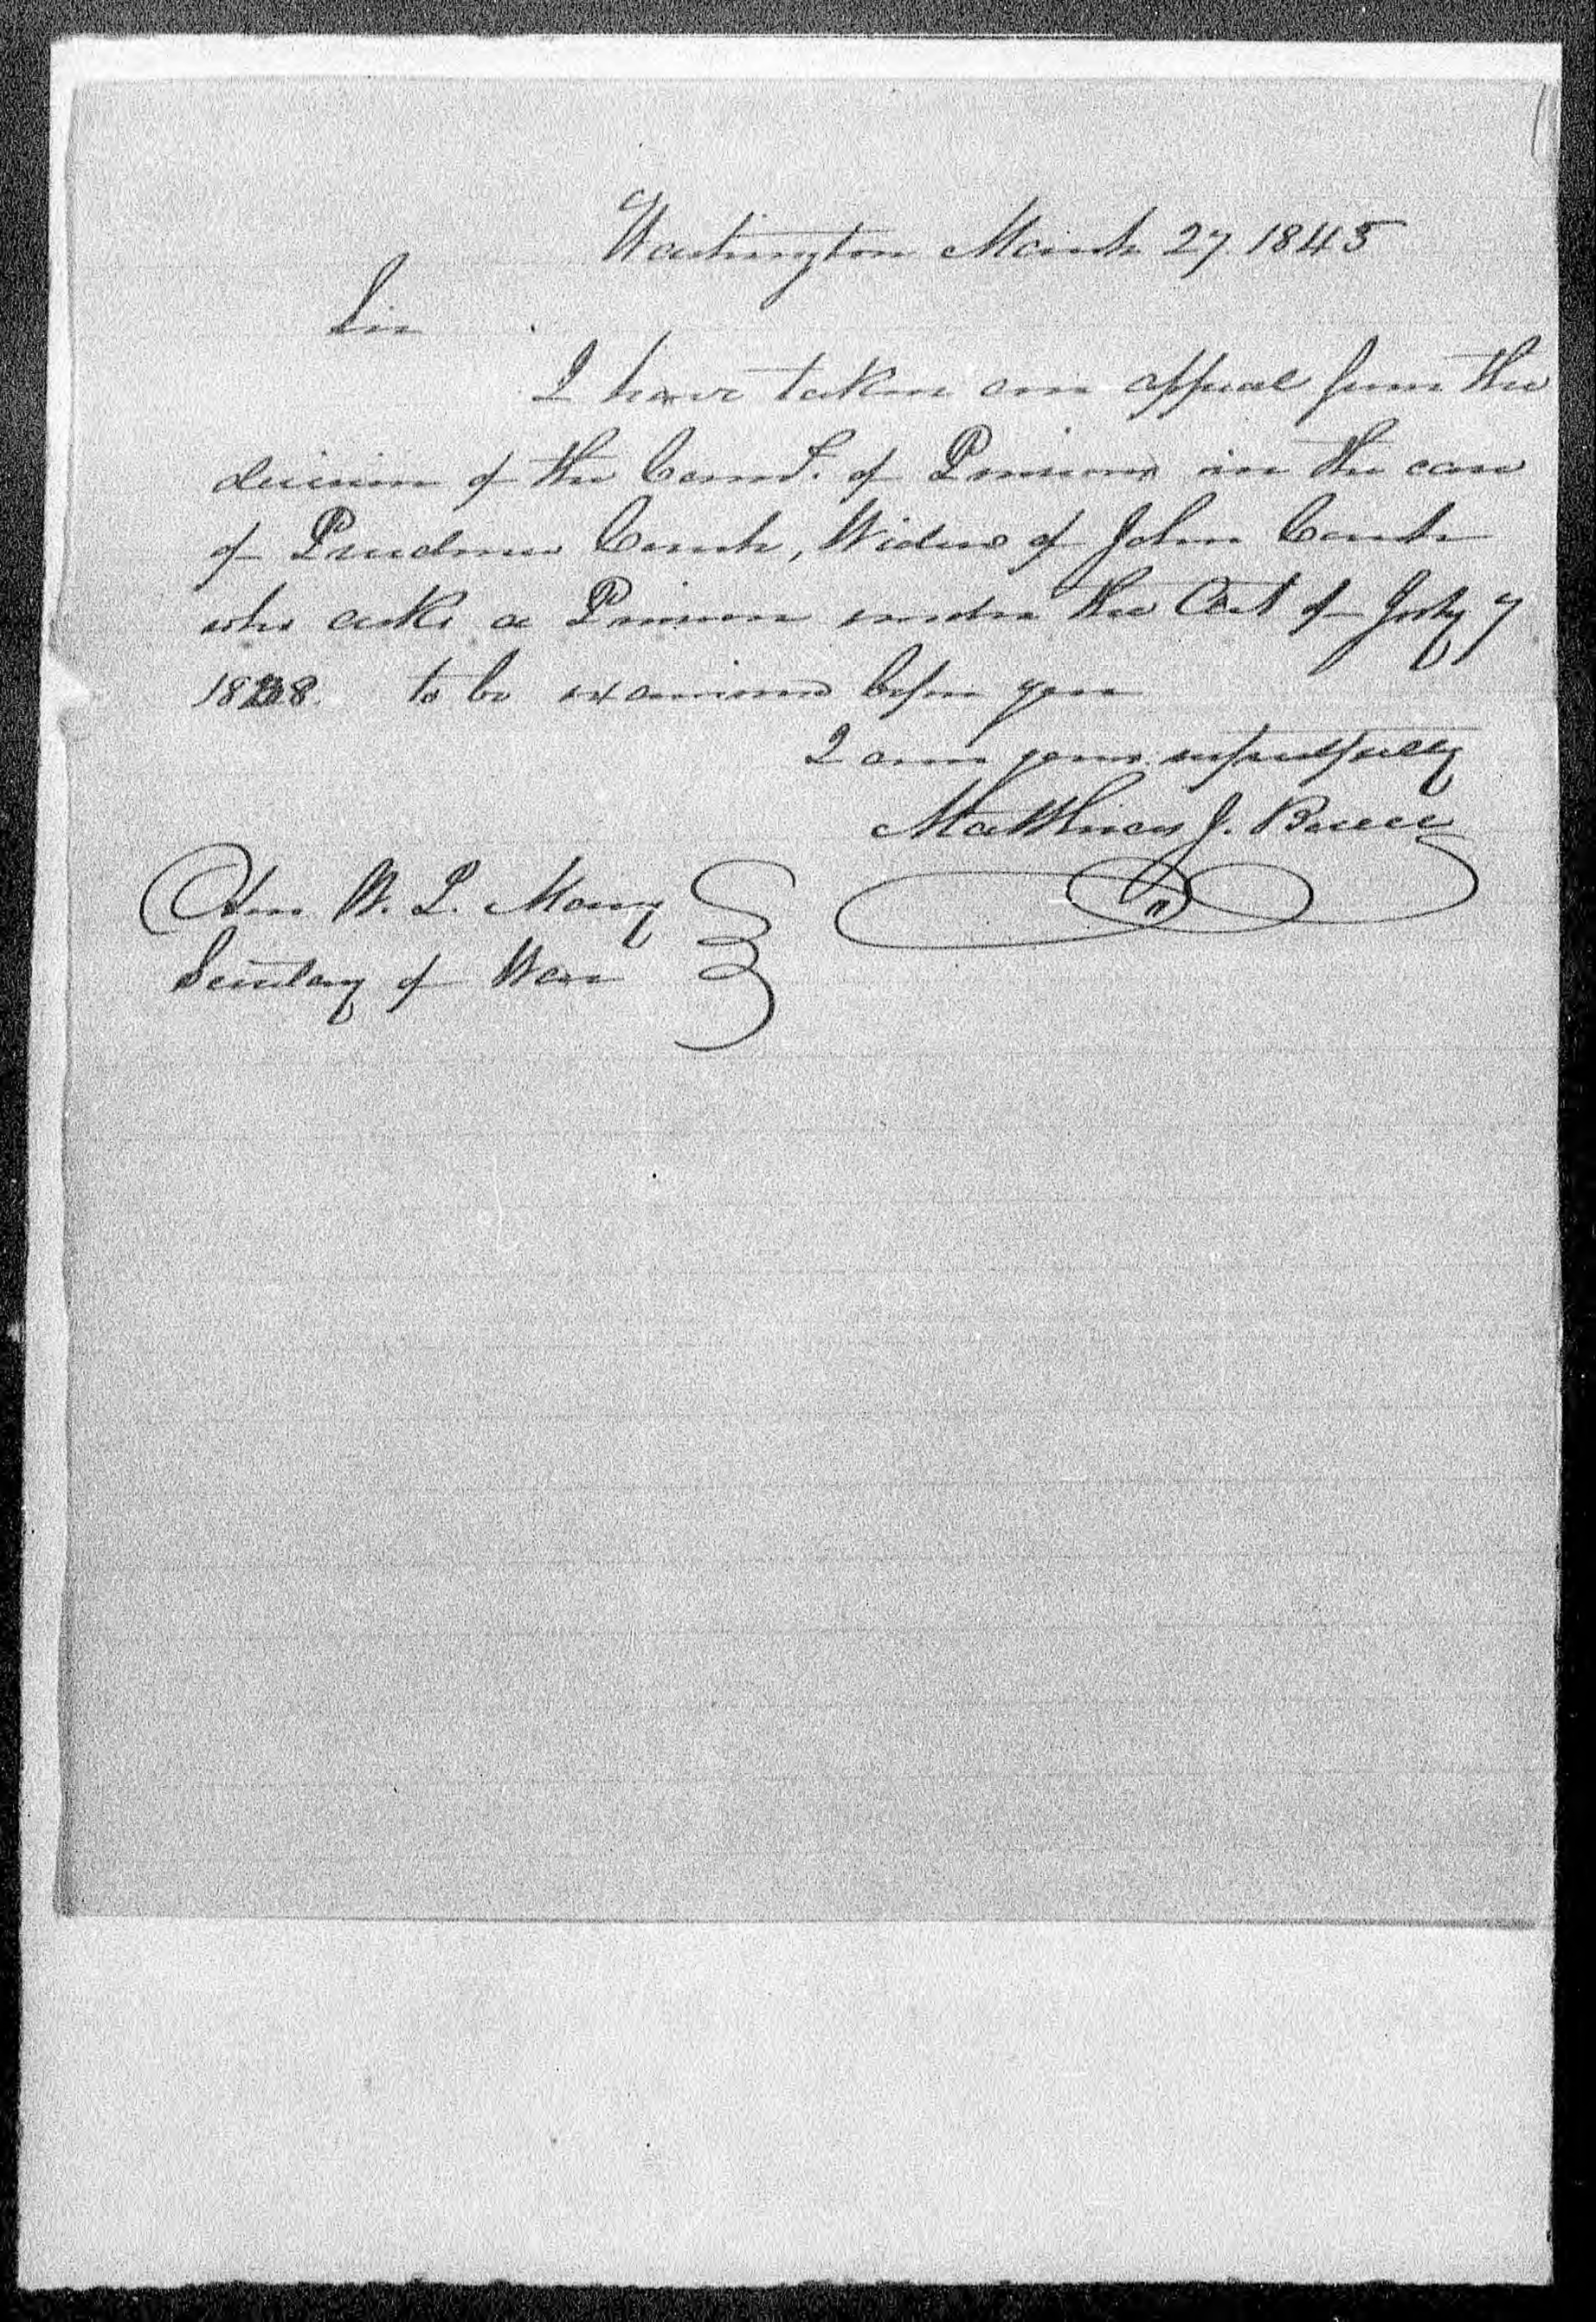Washington March 27, 1845
Sir
I have taken an appeal from the decision of the Commr. of Pensions in the case of Prudence Couch, widow of John Couch who asks a Pension under the act of July 7, 1838 to be examined before you.
I am yours respectfully
Matthias J Bovee

Hon. W. L. Marcy
Secretary of War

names: John Couch, Matthias J Bovee, Prudence Couch, W L Marcy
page: 34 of 68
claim: rejected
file: R. 2,360, John Couch, Conn.